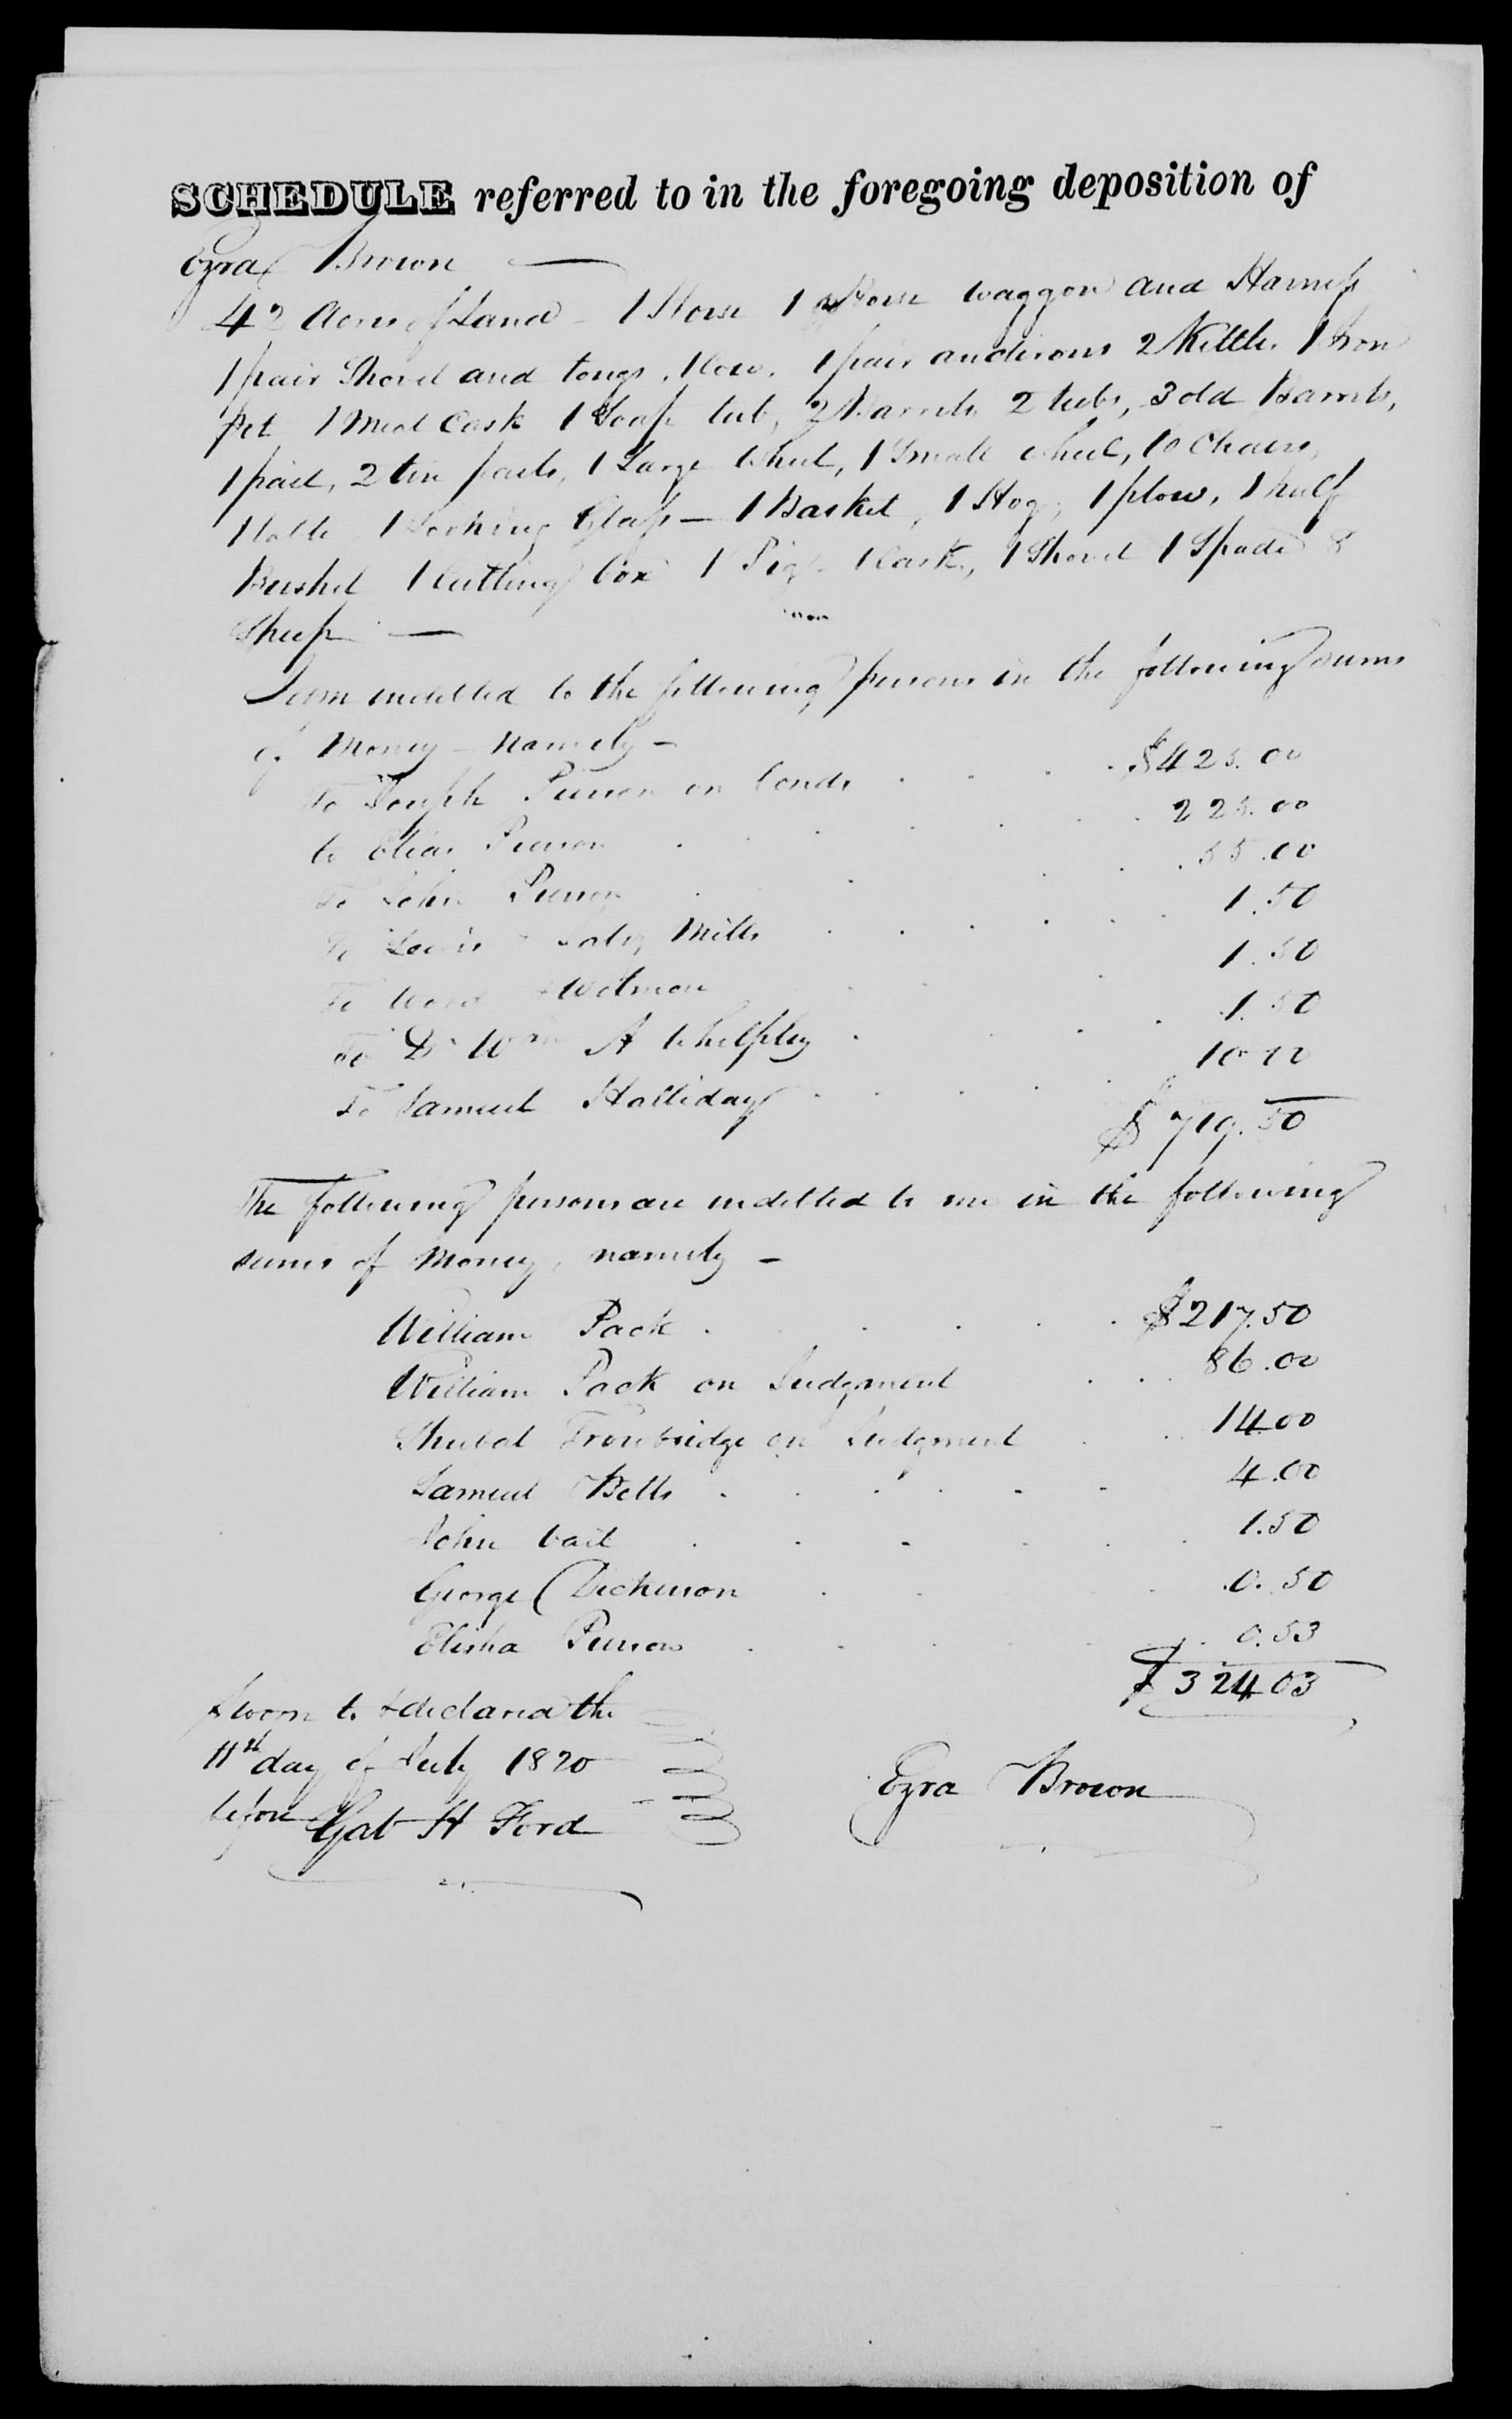SCHEDULE referred to in the foregoing deposition of Ezra Brown--

42 acres of land- 1 Horse waggon and Harness
1 pair shovel and tongs, 1 Cow, 1 pair Andirons 2 Kettle, 1 Iron pot 1 Meal Cask 1 Soap tub, 2 Barrels 2 tubs, 3 old Barrels, 1 pail, 2 tin pails, 1 Large Wheel 1 Small Wheel, 10 chairs 1 table  1 Forking Clasp-  1 Basket, 1 Hog, 1 plow, 1 half
Bushel 1 Cutting box 1 Pig 1 Cask 1 Shovel 1 Spade 8 Sheep--

I am indebted to the following persons in the following sums of money namely-

To Joseph Pierson on lands. ....$425.00
To Elias Pierson ........225.00
To John Pierson..........55.00
To  Louie & Sally Mills.....1.50
To Ward Witman........... 1.50
To D Wm A Whelply.......10.00
To Samuel Holliday.......$719.50

The following persons are indebted to me in the following sums of money, namely -
William Pack
$217.50
-
William Pack.....................................$217.50
William Pack on Judgment..................86.00
Shubal Trowbridge on Judgment........14.00
Samuel Betts.........................................4.00
John Vail................................................1.50
George Dickinson.................................0.50
Elisha Pierson.......................................0.53
                                                           _______
                                                           $324.03

Ezra Brown

Sworn to & declared the
11th day of July 1820
before Gab H Ford
----------------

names: John Vail, William Pack, John Pierson, George Dickerson, Elisha Pierson, Shubal Troubridge, Weis Wilmore, Samuel Bells, D Wm Abbelpley, Chas Pierson, Louis Coates, Ezra Brown, Samuel Holliday, Ezra Brown, William Pack, Joseph Pierson, Gab H Ford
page: 9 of 27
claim: survivor's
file: S. 34,094, Ezra Brown, New Jersey